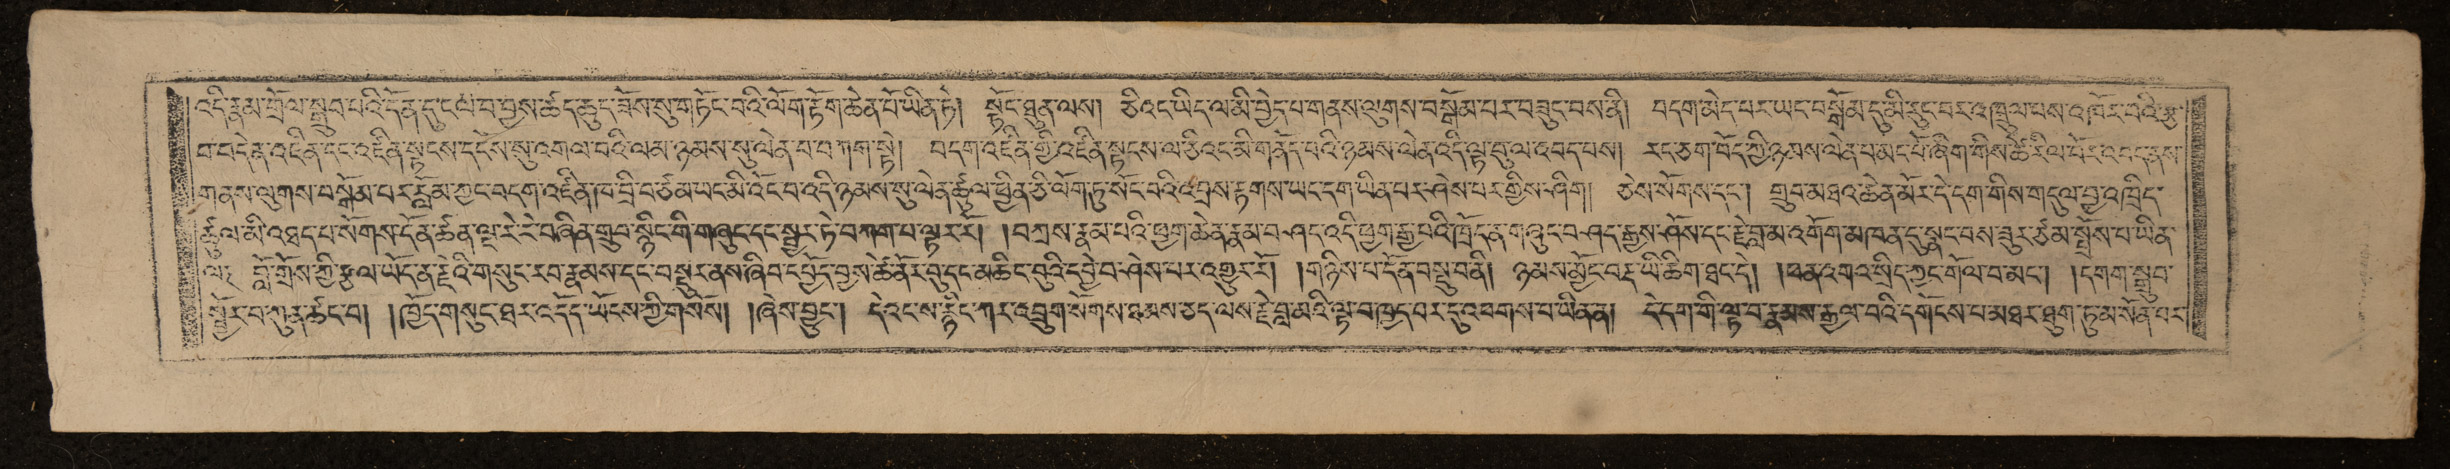འདི་རྣམ་གྲོལ་སྒྲུབ་པའི་དོན་དུ་ངལ་བ་བྱས་ཚད་ཆུད་ཟོས་སུ་གཏོང་བའི་ལོག་རྟོག་ཆེན་པོ་ཡིན་ཏེ། སྟོང་ཐུན་ལས། ཅིའང་ཡིད་ལ་མི་བྱེད་བ་གནས་ལུགས་བསྒོམ་པར་བཟུང་བས་ནི། བདག་མེད་པར་ཡང་བསྒོམ་དུ་མི་རུང་བར་འཁྲུལ་བས་འཁོར་བའི་རྩ་
བ་བདེན་འཛིན་དང་འཛིན་སྟངས་དངོས་སུ་འགལ་བའི་ལམ་ཉམས་སུ་ལེན་པ་བཀག་སྟེ། བདག་འཛིན་གྱི་འཛིན་སྟངས་ལ་ཅིའང་མི་གནོད་པའི་ཉམས་ལེན་འདི་ལྟ་བུ་ལ་འབད་པས། རང་ཅག་བོད་ཀྱི་ཉམས་ལེན་པ་མང་པོ་ཞིག་གིས་ཚེ་རིལ་པོར་འབད་ནས་
གནས་ལུགས་བསྒོམ་པར་རློམ་ཀྱང་བདག་འཛིན་ཁ་བྲི་བ་ཙམ་ཡང་མི་འོང་བ་འདི་ཉམས་སུ་ལེན་ཚུལ་ཕྱིན་ཅི་ལོག་ཏུ་སོང་བའི་འབྲས་རྟགས་ཡང་དག་ཡིན་པར་ཤེས་པར་གྱིས་ཤིག། ཅེས་སོགས་དང་། གྲུབ་མཐའ་ཆེན་མོར་དེ་དག་གིས་གདུལ་བྱ་འཁྲིད་
ཚུལ་མི་འཐད་བ་སོགས་དོན་ཚན་ལྔ་རེ་རེ་བཞིན་གྲུབ་སྙིང་གི་གཞུང་དང་སྦྱར་ཏེ་བཀག་པ་ལྟར་རོ། །བཀྲས་རྣམ་པའི་ཕྱག་ཆེན་རྣམ་བཤད་འདི་ཕྱག་རྒྱ་བའི་ཁྲོད་ན་གཞུང་བཤད་རྒྱས་ཤོས་དང་རྗེ་བླ་མ་འགོག་མཁན་དུ་སྣང་བས་ཟུར་ཙམ་སྤྲོས་པ་ཡིན་
ལ༑ བློ་གྲོས་ཀྱི་རྩལ་ཡོད་ན་རྗེའི་གསུང་རབ་རྣམས་དང་བསྡུར་ནས་ཞིབ་དཔྱོད་བྱས་ཚེ་ནོར་བུ་དང་མཆིང་བུའི་དབྱེ་བ་ཤེས་བར་འགྱུར་རོ། །གཉིས་པ་དོན་བསྡུ་བ་ནི། ཉམས་མྱོང་བརྡ་ཡི་ཚིག་ཐང་དེ། །ཕན་འགའ་སྲིད་ཀྱང་གོལ་བ་མང་། །དགག་སྒྲུབ་
སྦྱོར་བ་ཀུན་ཚང་བ། །ཁྱོད་གསུང་ཐར་འདོད་ཡོངས་ཀྱི་གསོས། །ཞེས་བྱུང་། དེའང་ས་རྙིང་ཀར་འབྲུག་སོགས་ཐམས་ཅད་ལས་རྗེ་བླ་མའི་ལྟ་བ་ཁྱད་བར་དུ་འཕགས་པ་ཡིན་ན། དེ་དག་གི་ལྟ་བ་རྣམས་རྒྱལ་བའི་དགོངས་པ་མཐར་ཐུག་ཏུ་མ་སོན་པར་